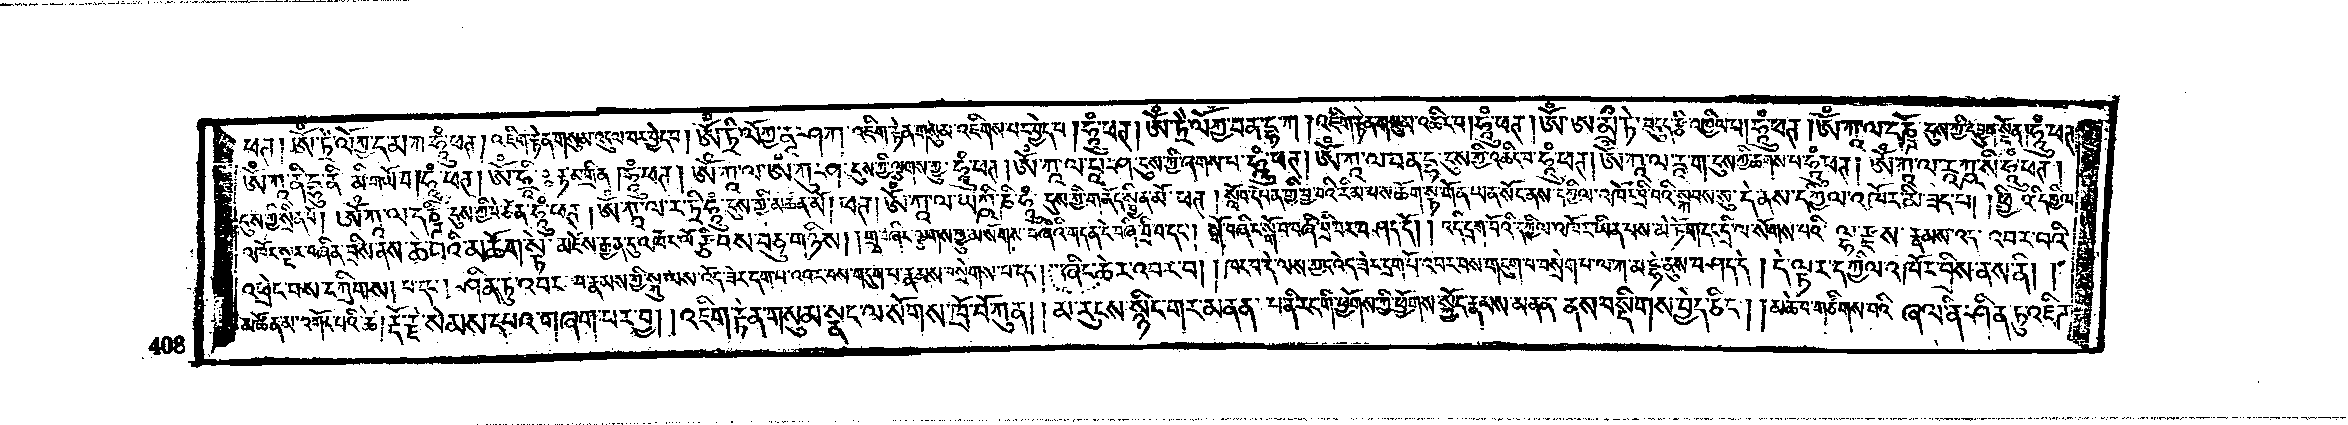ཕཊ། ཨོཾ་ཏྲེ་ལོཀྱ་ད་མ་ཀ་ཧཱུཾ་ཕཊ། འཇིག་རྟེན་གསུམ་འདུས་བར་བྱེད་པ།  ཨོཾ་ཏྲི་ལོཀྱ་ནཱ་ཤ་ཀ་འཇིག་རྟེན་གསུམ་འཇིགས་པར་བྱེད་པ།  ?་ཧཱུཾ་ཕཊ། ཨོཾ་ཏྲཻ་ལོཀྱ་བན་དྷ་ཀ ། འཇིག་རྟེན་གསུམ་འཆིང་བ།  ཧཱུཾ་ཕཊ། ཨོཾ་ཨ་མྲྀ་ཏེ་བདུད་རྩི་འཁྱིལ་པ།  ཧཱུཾ་ཕཊ། ཨོཾ་ཀཱ་ལ་དཎྜོ་དུས་ཀྱི་དབྱུག་སྔོན།  ཧཱུཾ་ཕཊ།
ཨོཾ་ཀཱ་ནི་དྷུ་ནི་མི་གཡོ་བ།  ཧཱུཾ་ཕཊ། ཨོཾ་ཧྲཱིཿ རྟ་མགྲིན།  ཧཱུཾ་ཕཊ། ཨོཾ་ཀཱ་ལ་ཨཾ་ཀུ་ཤ་དུས་ཀྱི་ལྕགས་ཀྱུ་ཧཱུཾ་ཕཊ། ཨོཾ་ཀཱ་ལ་པཱ་ཤ་དུས་ཀྱི་ཞགས་པ་ཧཱུཾ་ཕཊ། ཨོཾ་ཀཱ་ལ་བན་དྷ་དུས་ཀྱི་འཆིང་བ་ཧཱུཾ་ཕཊ། ཨོཾ་ཀཱ་ལ་རཱ་ག་དུས་ཀྱི་ཆགས་པ་ཧཱུཾ་ཕཊ། ཨོཾ་ཀཱ་ལ་རཱ་ཀྵ་སི་ཧཱུཾ་ཕཊ།
དུས་ཀྱི་སྲིན་པོ།  ཨོཾ་ཀཱ་ལ་ད་ནྜི་?་དུས་ཀྱི་པེ་ཙོན་ཧཱུཾ་ཕཊ། ཨོཾ་ཀཱ་ལ་ར་ཏྲི་ཧཱུཾ་དུས་ཀྱི་མཚན་མོ།  ཕཊ། ཨོཾ་ཀཱ་ལ་ཡཀྵི་ཎི་ཧཱུཾ་དུས་ཀྱི་གནོད་སྦྱིན་མེ་ཕཊ། སློབ་དཔོན་གྱི་བྱ་བའི་རིམ་པས་ཆོག་སྟ་གོན་ཡན་སོང་ནས་དཀྱིལ་འཁོར་བྲི་བའི་སྐབས་སུ་དེ་ནས་དཀྱིལ་འཁོར་མི་ཟད་པ། །ཕྱིའི་དཀྱིལ་
འཁོར་སྔར་བཞིན་བྲིས་ནོས་ཆེ་བའི་མཆོག་སྟེ་མཛེས་རྒྱན་དུ་འཁོར་ལོ་རྩིབས་བཅུ་གཉིས། །གྲྭ་བཞིར་ལྕགས་ཀྱུ་མ་སོགས་བཞིའི་གདན་རེ་བཞི་བྲི་བ་དང་། སྒོ་བཞིར་སྒོ་བ་བཞི་བྲི་བར་བཤད་དོ། །འདི་དྲག་པོའི་དཀྱིལ་འཁོར་ཡིན་པས་མེ་ཏོག་དང་དྲི་ལ་སོགས་པའི་ལྷ་རྫས་རྣམས་འདི་འབར་བའི་
འཕྲེང་བས་དཀྲིགས། པ་དང་།  ཤིན་ཏུ་འབར་བ་རྣམས་ཀྱི་སྐུ་ལས་འོད་ཟེར་དག་པ་འདར་བས་གདུག་པ་རྣམས་བསྲེགས་པ་དང་།  ཞིང་ཆེར་འབར་བ། །ཁང་པ་དེ་ལས་ཀྱང་འོད་ཟེར་དྲག་པོ་འབར་བས་གདུག་པ་བསྲེག་པ་ལ་ཀ་མ་དྷེ་ནུས་བཤད་དེ།  དེ་ལྟར་དཀྱིལ་འཁོར་བྲིས་ནས་ནི། །
མཚན་མ་འགོང་པའི་ཚེ།  རྡོ་རྗེ་སེམས་དཔའ་གཞག་པར་བྱ། །འཇིག་རྟེན་གསུམ་སྣང་ལ་སོགས་གྲོ་བོ་ཀུན། །མ་རུངས་སྙིང་གར་མནན་པ་ནི་རང་གི་ཕྱོགས་ཀྱི་ཕྱོགས་སྐྱོད་རྣམས་མནན་ནས་བསྡིགས་བྱེད་ཅིང་། །མཆེ་བ་གཅིགས་པའི་ཞལ་ནི་ཤིན་ཏུ་འཇིག་